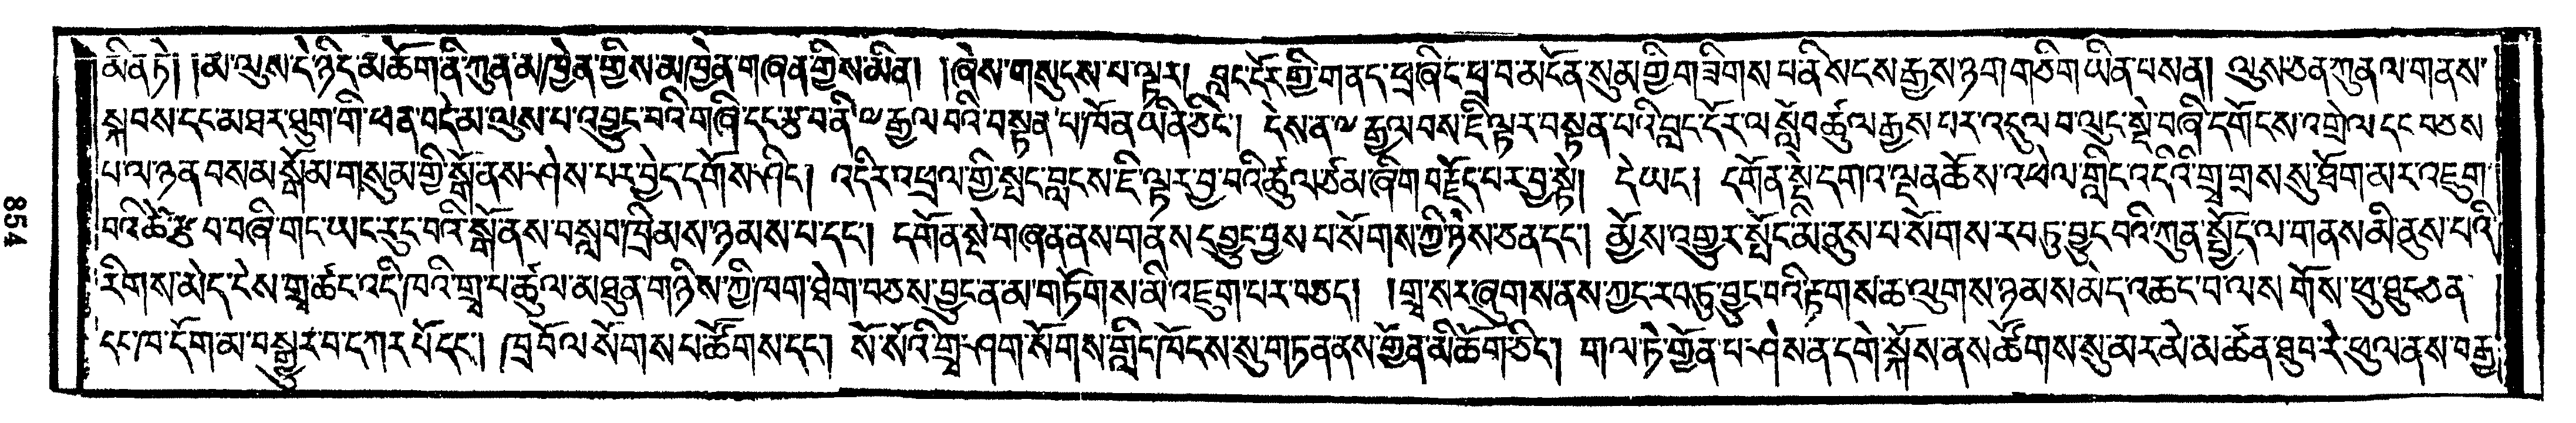མིན་ཏེ། །མ་ལུས་དེ་ཉིད་མཆོག་ནི་ཀུན་མཁྱེན་གྱིས་མཁྱེན་གཞན་གྱིས་མིན། །ཞེས་གསུངས་པ་ལྟར། བླང་དོར་གྱི་གནད་ཕྲ་ཞིང་ཕྲ་བ་མངོན་སུམ་གྱི་གཟིགས་པ་ནི་སངས་རྒྱས་ཉག་གཅིག་ཡིན་པས་ན། ལུས་ཅན་ཀུན་ལ་གནས་
སྐབས་དང་མཐར་ཐུག་གི་ཕན་བདེ་མ་ལུས་པ་འབྱུང་བའི་གཞི་དང་རྩ་བ་ནི་༧་རྒྱལ་བའི་བསྟན་པ་ཁོ་ན་ཡིན་ཅིང་། དེས་ན་༧་རྒྱལ་བས་ཇི་ལྟར་བསྟན་པའི་བླང་དོར་ལ་སློབ་ཚུལ་རྒྱས་པར་འདུལ་བ་ལུང་སྡེ་བཞི་དགོངས་འགྲེལ་དང་བཅས་
པ་ལ་ཉན་བསམ་སྒོམ་གསུམ་གྱི་སྒོ་ནས་ཤེས་པར་བྱེད་དགོས་ཤིང་། འདིར་འཕྲལ་གྱི་སྤང་བླངས་ཇི་ལྟར་བྱ་བའི་ཚུལ་ཙམ་ཞིག་བརྗོད་པར་བྱ་སྟེ། དེ་ཡང་། དགོན་སྡེ་དགའ་ལྡན་ཆོས་འཕེལ་གླིང་འདིའི་གྲྭ་གྲས་སུ་ཐོག་མར་འཇུག་
བའི་ཚེ་རྩ་བ་བཞི་གང་ཡང་རུང་བའི་སྒོ་ནས་བསླབ་ཁྲིམས་ཉམས་པ་དང་། དགོན་སྡེ་གཞན་ནས་གནས་དབྱུང་བྱས་པ་སོགས་ཀྱི་ཉེས་ཅན་དང་། མྱོས་འགྱུར་སྤོང་མི་ནུས་པ་སོགས་རབ་ཏུ་བྱུང་བའི་ཀུན་སྤྱོད་ལ་གནས་མི་ནུས་པའི་
རིགས་མེད་ངེས་གྲྭ་ཚང་འདི་ཁའི་གྲྭ་པ་ཚུལ་མཐུན་གཉིས་ཀྱི་ཁག་ཐེག་བཅས་བྱུང་ན་མ་གཏོགས་མི་འཇུག་པར་བཅད། །གྲྭ་སར་ཞུགས་ནས་ཀྱང་རབ་ཏུ་བྱུང་བའི་རྟགས་ཆ་ལུགས་ཉམས་མེད་འཆང་བ་ལས་གོས་ཕུ་ཐུང་ཅན་
དང་ཁ་དོག་མ་བསྒྱུར་བ་དཀར་པོ་དང་། ཁྲ་བོ་ལ་སོགས་པ་ཚོགས་དང་། སོ་སོའི་གྲྭ་ཤག་སོགས་གླིང་ཁོངས་སུ་གཏན་ནས་གྱོན་མི་ཆོག་ཅིང་། གལ་ཏེ་གྱོན་པ་ཤེས་ན་དགེ་སྐོས་ནས་ཚོགས་སུ་མར་མེ་མཚན་ཐུབ་རེ་ཕུལ་ནས་བརྒྱ་